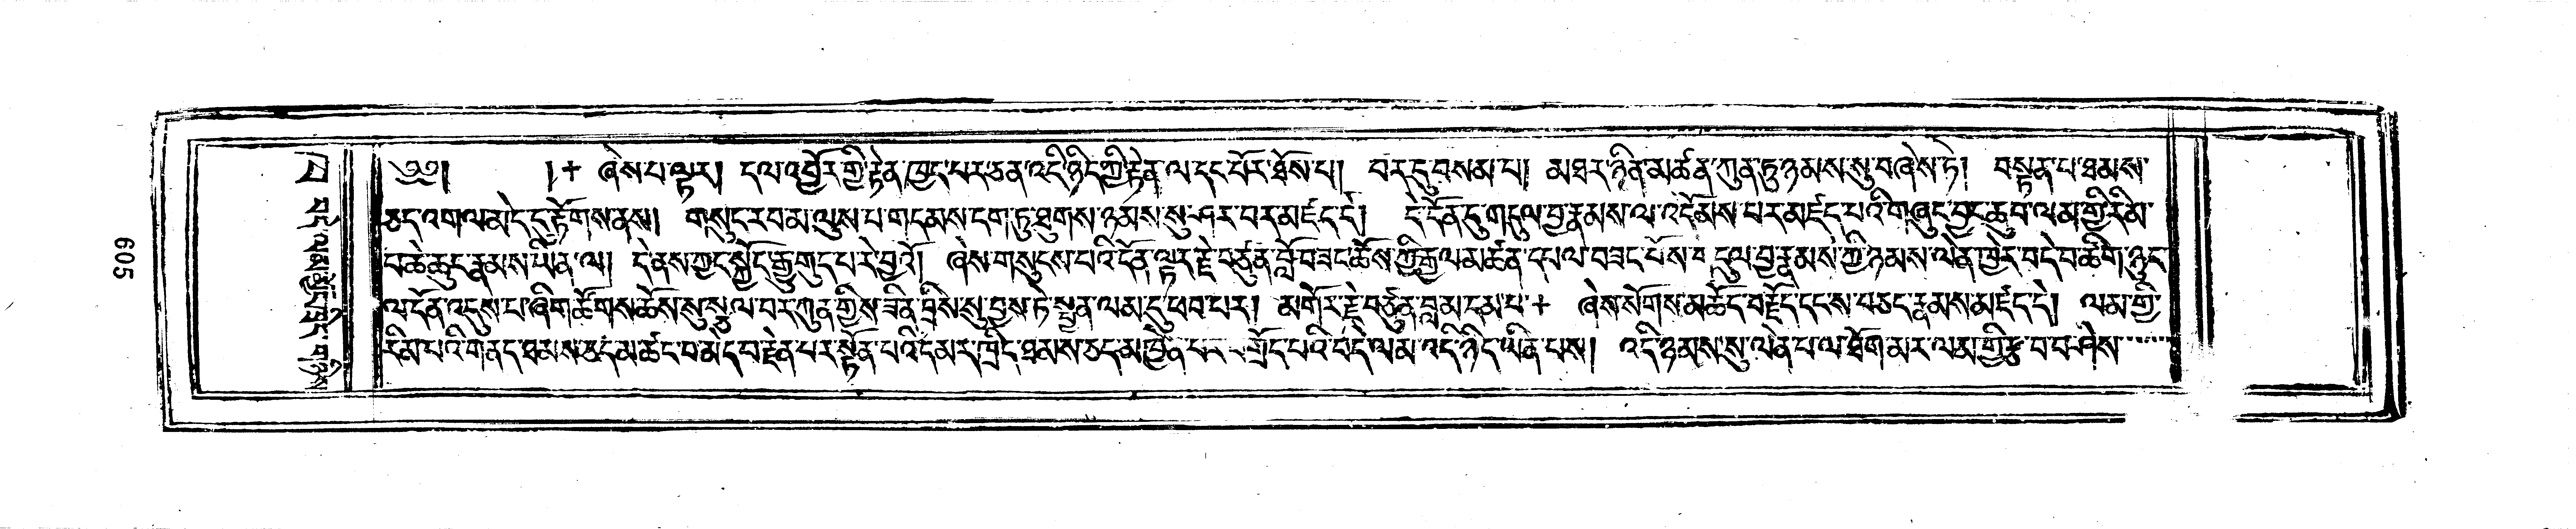༄༅། །+་ཞེས་པ་ལྟར། དལ་འབྱོར་གྱི་རྟེན་ཁྱད་པར་ཅན་འདི་ཉིད་ཀྱི་རྟེན་ལ་དང་པོར་ཐོས་པ། བར་དུ་བསམ་པ། མཐར་ཉིན་མཚན་ཀུན་ཏུ་ཉམས་སུ་བཞེས་ཏེ། བསྟན་པ་ཐམས་
ཅད་འགལ་མེད་དུ་རྟོགས་ནས། གསུང་རབ་མ་ལུས་པ་གདམས་དག་ཏུ་ཐུགས་ཉམས་སུ་ཤར་བར་མཛད་དོ། དེ་དོན་དུ་གདུལ་བྱ་རྣམས་ལ་འདོམས་པར་མཛད་པའི་གཞུང་བྱང་ཆུབ་ལམ་གྱི་རིམ་
པ་ཆེ་ཆུང་རྣམས་ཡིན་ལ། དེ་ནས་ཀྱང་སྐྱོང་རྒྱུ་གུད་པ་རེ་བྱའོ། ཞེས་གསུངས་པའི་དོན་ལྟར་རྗེ་བཙུན་བློ་བཟང་ཆོས་ཀྱི་རྒྱལ་མཚན་དཔལ་བཟང་པོས་གདུལ་བྱ་རྣམས་ཀྱི་ཉམས་ལེན་ཁྱེར་བདེ་བ་ཚིག་ཉུང་
ལ་དོན་འདུས་པ་ཞིག་ཚོགས་ཆོས་སུ་སྩལ་བར་ཀུན་གྱིས་ཟིན་བྲིས་སུ་བྱས་ཏེ་སྤྱན་ལམ་དུ་ཕབ་པར། མགོར་རྗེ་བཙུན་བླ་མ་དམ་པ་+་ཞེས་སོགས་མཆོད་བརྗོད་དང་ས་བཅད་རྣམས་མཛད་དེ། ལམ་གྱི་
རིམ་པའི་གནད་ཐམས་ཅད་མ་ཚང་བ་མེད་བ་རྗེན་པར་སྟོན་པའི་དམར་ཁྲིད་ཐམས་ཅད་མཁྱེན་བར་བགྲོད་པའི་བདེ་ལམ་འདི་ཉིད་ཡིན་པས། འདི་ཉམས་སུ་ལེན་པ་ལ་ཐོག་མར་ལམ་གྱི་རྩ་བ་བཤེས་